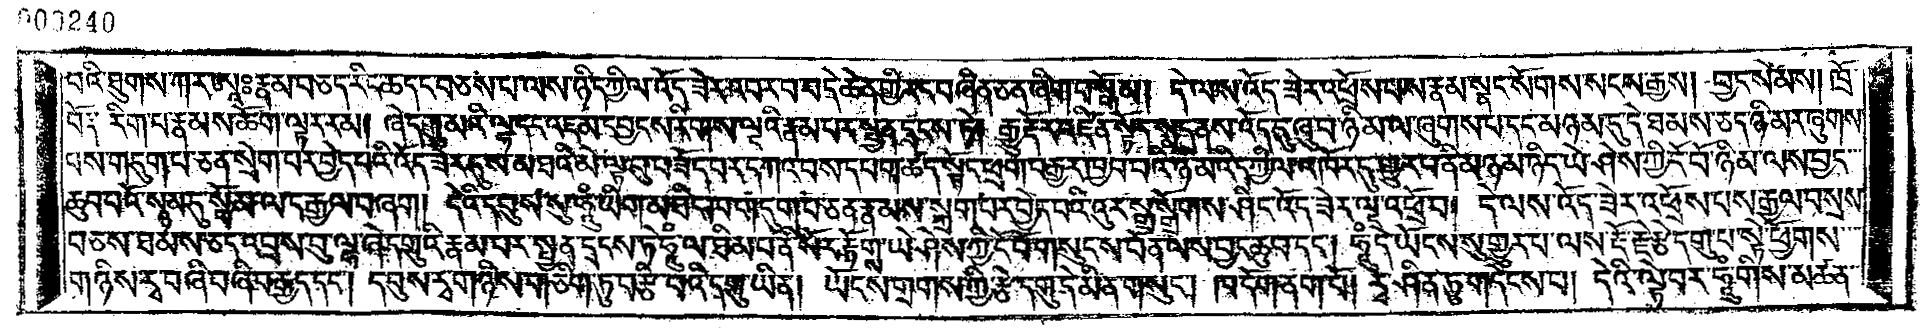བའི་ཐུགས་ཀར་ཨཱཿ རྣམ་བཅད་རིང་ཆ་དང་བཅས་པ་ལས་ཉི་དཀྱིལ་འོད་ཟེར་འབར་བ་བདེ་ཆེན་གྱི་རང་བཞིན་ཅན་ཞིག་བསྒོམ། དེ་ལས་འོད་ཟེར་འཕྲོས་པས་རྣམ་སྣང་སོགས་སངས་རྒྱས། བྱང་སེམས། ཁྲོ་
བོ༑ རིག་པ་རྣམས་ཆོ་ག་ལྟར་རམ། ཞེ་དགུ་མའི་ལྷ་དང་འཇམ་དབྱངས་རིགས་ལྔའི་རྣམ་པར་སྤྱན་དྲངས་ཏེ། རྒྱུ་རྡོར་འཛིན་སྟོད་སྨད་ནས་འོད་དུ་ཞུ་བ་ཉི་མ་ལ་ཞུགས་པ་དང་མཉམ་དུ་དེ་ཐམས་ཅད་ཉི་མར་ཞུགས་
པས་གདུག་པ་ཅན་སྲེག་པར་བྱེད་པའི་འོད་ཟེར་དུས་མཐའི་མེ་ལྟ་བུ་བཟོད་པར་དཀའ་བས་དཔག་ཚད་སྟོང་ཕྲག་བརྒྱར་ཁྱབ་པའི་ཉི་མའི་དཀྱིལ་འཁོར་དུ་གྱུར་པ་ནི་མཉམ་ཉིད་ཡེ་ཤེས་ཀྱི་ངོ་བོ་ཉི་མ་ལས་བྱང་
ཆུབ་པའོ་སྙམ་དུ་སྒོམ་ལ་ང་རྒྱལ་བཞག །དེའི་དབུས་སུ་ཧཱུཾ་ཡིག་མཐིང་ཁ་གདུག་པ་ཅན་རྣམས་སྐྲག་པར་བྱེད་པའི་འུར་སྒྲ་སྒྲོགས་ཤིང་འོད་ཟེར་ལྔ་འཕྲོ་བ། དེ་ལས་འོད་ཟེར་འཕྲོས་པས་རྒྱལ་བ་སྲས་
བཅས་ཐམས་ཅད་འབྲས་བུ་ལྷ་ཞེ་དགུའི་རྣམ་པར་སྤྱན་དྲངས་ཏེ་ཧཱུཾ་ལ་ཐིམ་པ་ནི་སོར་རྟོགས་ཡེ་ཤེས་ཀྱི་ངོ་བོ་གསུང་ས་བོན་ལས་བྱང་ཆུབ་དང་། ཧཱུཾ་དེ་ཡོངས་སུ་གྱུར་པ་ལས་རྡོ་རྗེ་རྩེ་དགུ་པ་སྟེ་ཕྱོགས་
གཉིས་རྭ་བཞི་བཞི་བརྒྱད་དང་། དབུས་རྭ་གཉིས་གཅིག་ཏུ་བརྩི་བའི་དགུ་ཡིན། ཡོངས་གྲགས་ཀྱི་རྩེ་དགུ་དེ་མིན་གསུང་། ཁ་དོག་ནག་པོ། རྭ་ཤིན་ཏུ་གདེངས་པ། དེའི་ལྟེ་བར་ཧཱུཾ་གིས་མཚན་